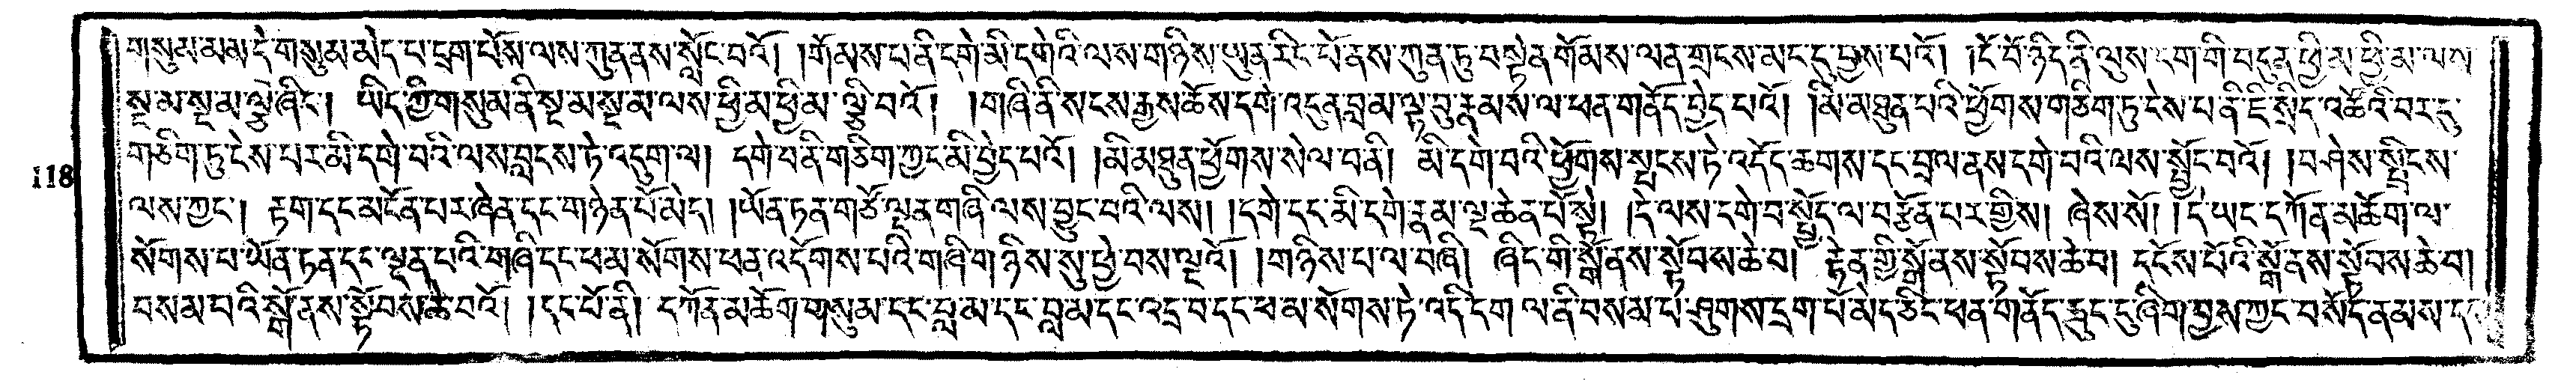གསུམ་མམ་དེ་གསུམ་མེད་པ་དྲག་པོས་ལས་ཀུན་ནས་སློང་བའོ། །གོམས་པ་ནི་དགེ་མི་དགེའི་ལས་གཉིས་ཡུན་རིང་པོ་ནས་ཀུན་ཏུ་བསྟེན་གོམས་ལན་གྲངས་མང་དུ་བྱས་པའོ། །ངོ་བོ་ཉིད་ནི་ལུས་ངག་གི་བདུན་ཕྱི་མ་ཕྱི་མ་ལས་
སྔ་མ་སྔ་མ་ལྕེ་ཞིང་། ཡིད་ཀྱི་གསུམ་ནི་སྔ་མ་སྔ་མ་ལས་ཕྱི་མ་ཕྱི་མ་ལྕི་བའོ། །གཞི་ནི་སངས་རྒྱས་ཆོས་དགེ་འདུན་བླ་མ་ལྟ་བུ་རྣམས་ལ་ཕན་གནོད་བྱེད་པའོ། །མི་མཐུན་པའི་ཕྱོགས་གཅིག་ཏུ་ངེས་པ་ནི་ཇི་སྲིད་འཚོའི་བར་དུ་
གཅིག་ཏུ་ངེས་པར་མི་དགེ་བའི་ལས་བླངས་ཏེ་འདུག་ལ། དགེ་བ་ནི་གཅིག་ཀྱང་མི་བྱེད་པའོ། །མི་མཐུན་ཕྱོགས་སེལ་བ་ནི། མི་དགེ་བའི་ཕྱོགས་སྤངས་ཏེ་འདོད་ཆགས་དང་བྲལ་ནས་དགེ་བའི་ལས་སྦྱོང་བའོ། །བཤེས་སྦྲིངས་
ལས་ཀྱང་། རྟག་དང་མངོན་པར་ཞེན་དང་གཉེན་པོ་མེད། །ཡོན་ཏན་གཙོ་ལྡན་གཞི་ལས་བྱུང་བའི་ལས། །དགེ་དང་མི་དགེ་རྣམ་ལྔ་ཆེན་པོ་སྟེ། །དེ་ལས་དགེ་བ་སྤྱོད་ལ་བརྩོན་པར་གྱིས། ཞེས་སོ། །དེ་ཡང་དཀོན་མཆོག་ལ་
སོགས་བ་ཡོན་ཏན་དང་ལྡན་པའི་གཞི་དང་ཕ་མ་སོགས་ཕན་འདོགས་པའི་གཞི་གཉིས་སུ་ཕྱེ་བས་ལྔའོ། །གཉིས་པ་ལ་བཞི། ཞིང་གི་སྒོ་ནས་སྟོབས་ཆེ་བ། རྟེན་གྱི་སྒོ་ནས་སྟོབས་ཆེ་བ། དངོས་པོའི་སྒོ་ནས་སྟོབས་ཆེ་བ།
བསམ་པའི་སྒོ་ནས་སྟོབས་ཆེ་བའོ། །དང་པོ་ནི། དཀོན་མཆོག་གསུམ་དང་བླ་མ་དང་བླ་མ་དང་འདྲ་བ་དང་ཕ་མ་སོགས་ཏེ་འདི་དག་ལ་ནི་བསམ་པ་ཤུགས་དྲག་པོ་མེད་ཅིང་ཕན་གནོད་ཆུང་དུ་ཞིག་བྱས་ཀྱང་བསོད་ནམས་དང་